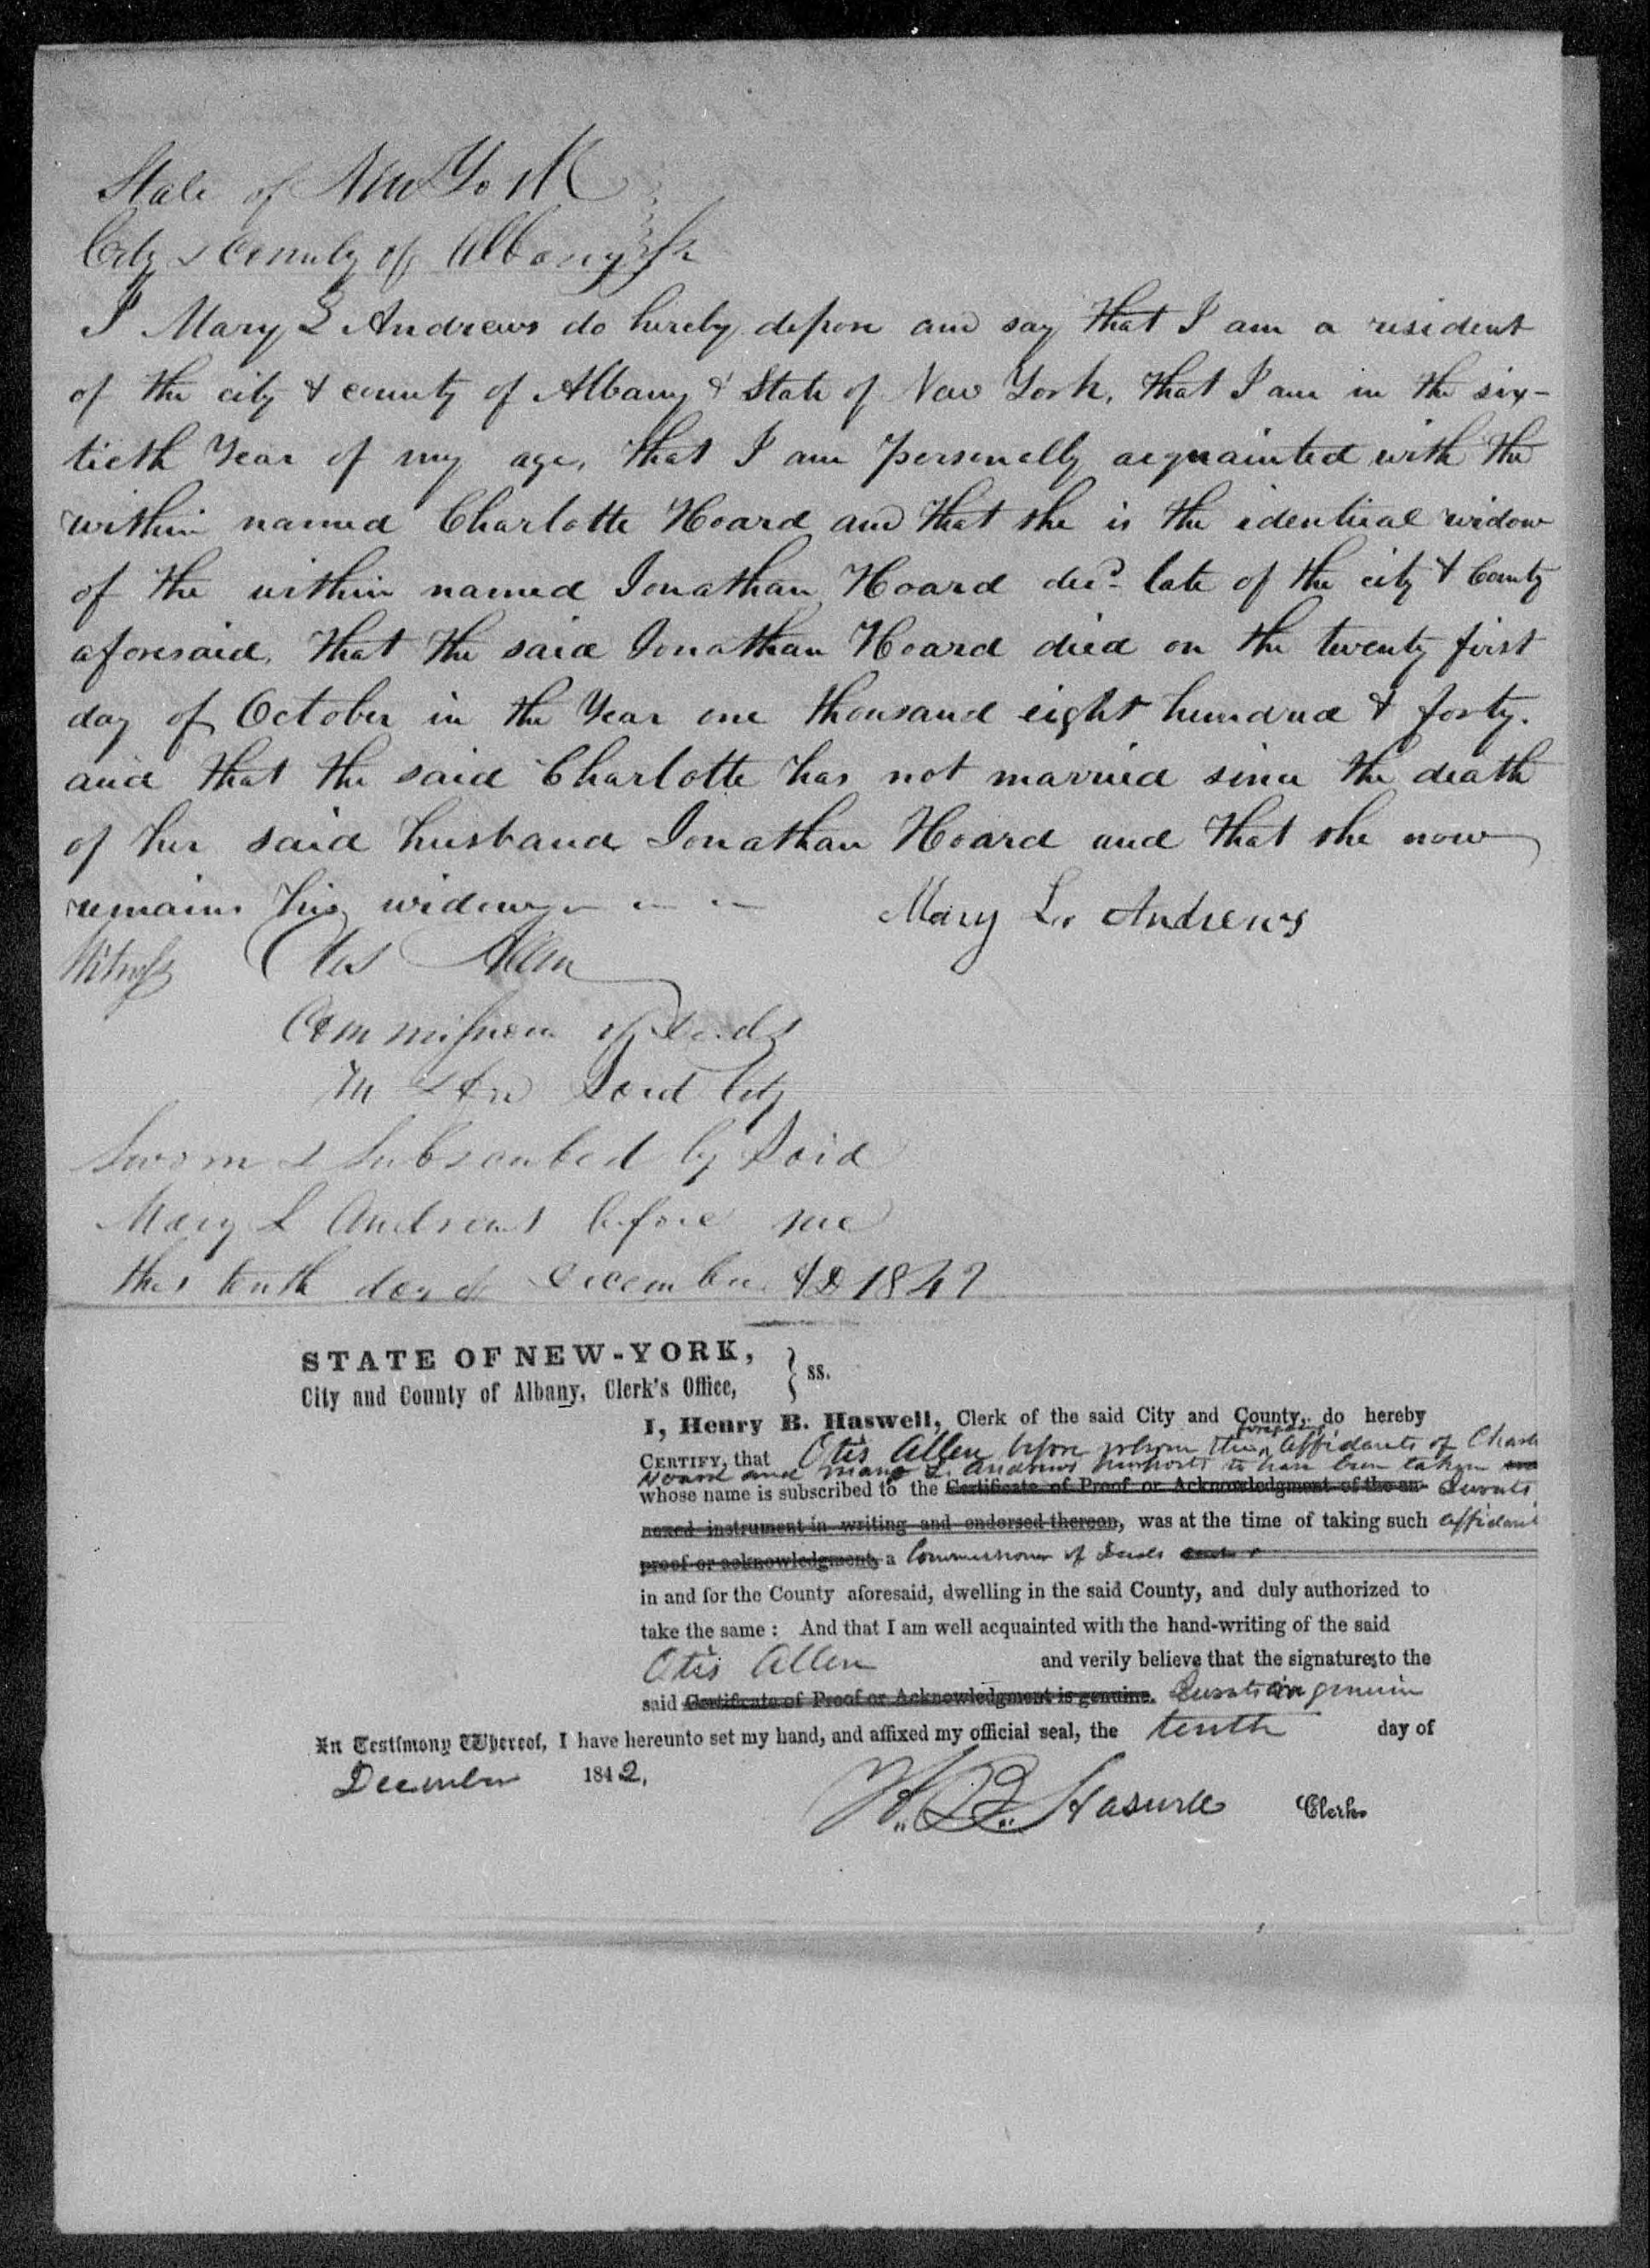State of New York
City & County of Albany Ss.
I Mary L Andrews do hereby depose and say that I am a resident of the city & county of Albany & State of New York, that I am in the sixtieth year of my age, that I am personally acquainted with the within named Charlotte Hoard and that she is the identical widow of the within named Jonathan Hoard decd. late of the city & county aforesaid, that the said Jonathan Hoard died on the twenty first day of October in the year one thousand eight hundred & forty and that the said Charlotte has not married since the death of her said husband Jonathan Hoard and she now remains his widow. 
Mary L. Andrews
Witness Otis Allen
Commissioner of Deeds
in & for Said City
Sworn & Subscribed by Said
Mary L. Andrews before me
this tenth day of December A. D. 1842
STATE OF NEW YORK
City and County of Albany, Clerk's Office, ss.
I, Henry B. Haswell, Clerk of the said City and County, do hereby CERTIFY, that Otis Allen, before whom this foregoing affidavit of Charlotte Hoard and Mary L Andrews purports to have been taken whose name is subscribed to the sworn (?) affidavit was at the time of taking such a Commissioner of Deeds in and for the County aforesaid, dwelling in the said County, and duly authorized to take the same: And that I am well acquainted with the hand-writing of the said Otis Allen and verily believe that the signatures to the said (?) genuine.
In Testimony Whereof, I have hereunto set my hand, and affixed my official seal, the tenth day of December 1842. 
H. B. Haswell Clerk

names: Jonathan Hoard, Mary L Andrews, Henry B Haswell, Charlotte Hoard, H B Haswell, Charles Hoard, Otis Allen, Jonathan Hoard, Charlotte, Jonathan Hoard, Mary L Andrews, Otis Allen, Otis Allen, Mary L Andrews, Mary L Andrews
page: 16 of 52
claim: widow's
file: W 19755, Jonathan Hoard, Mass.